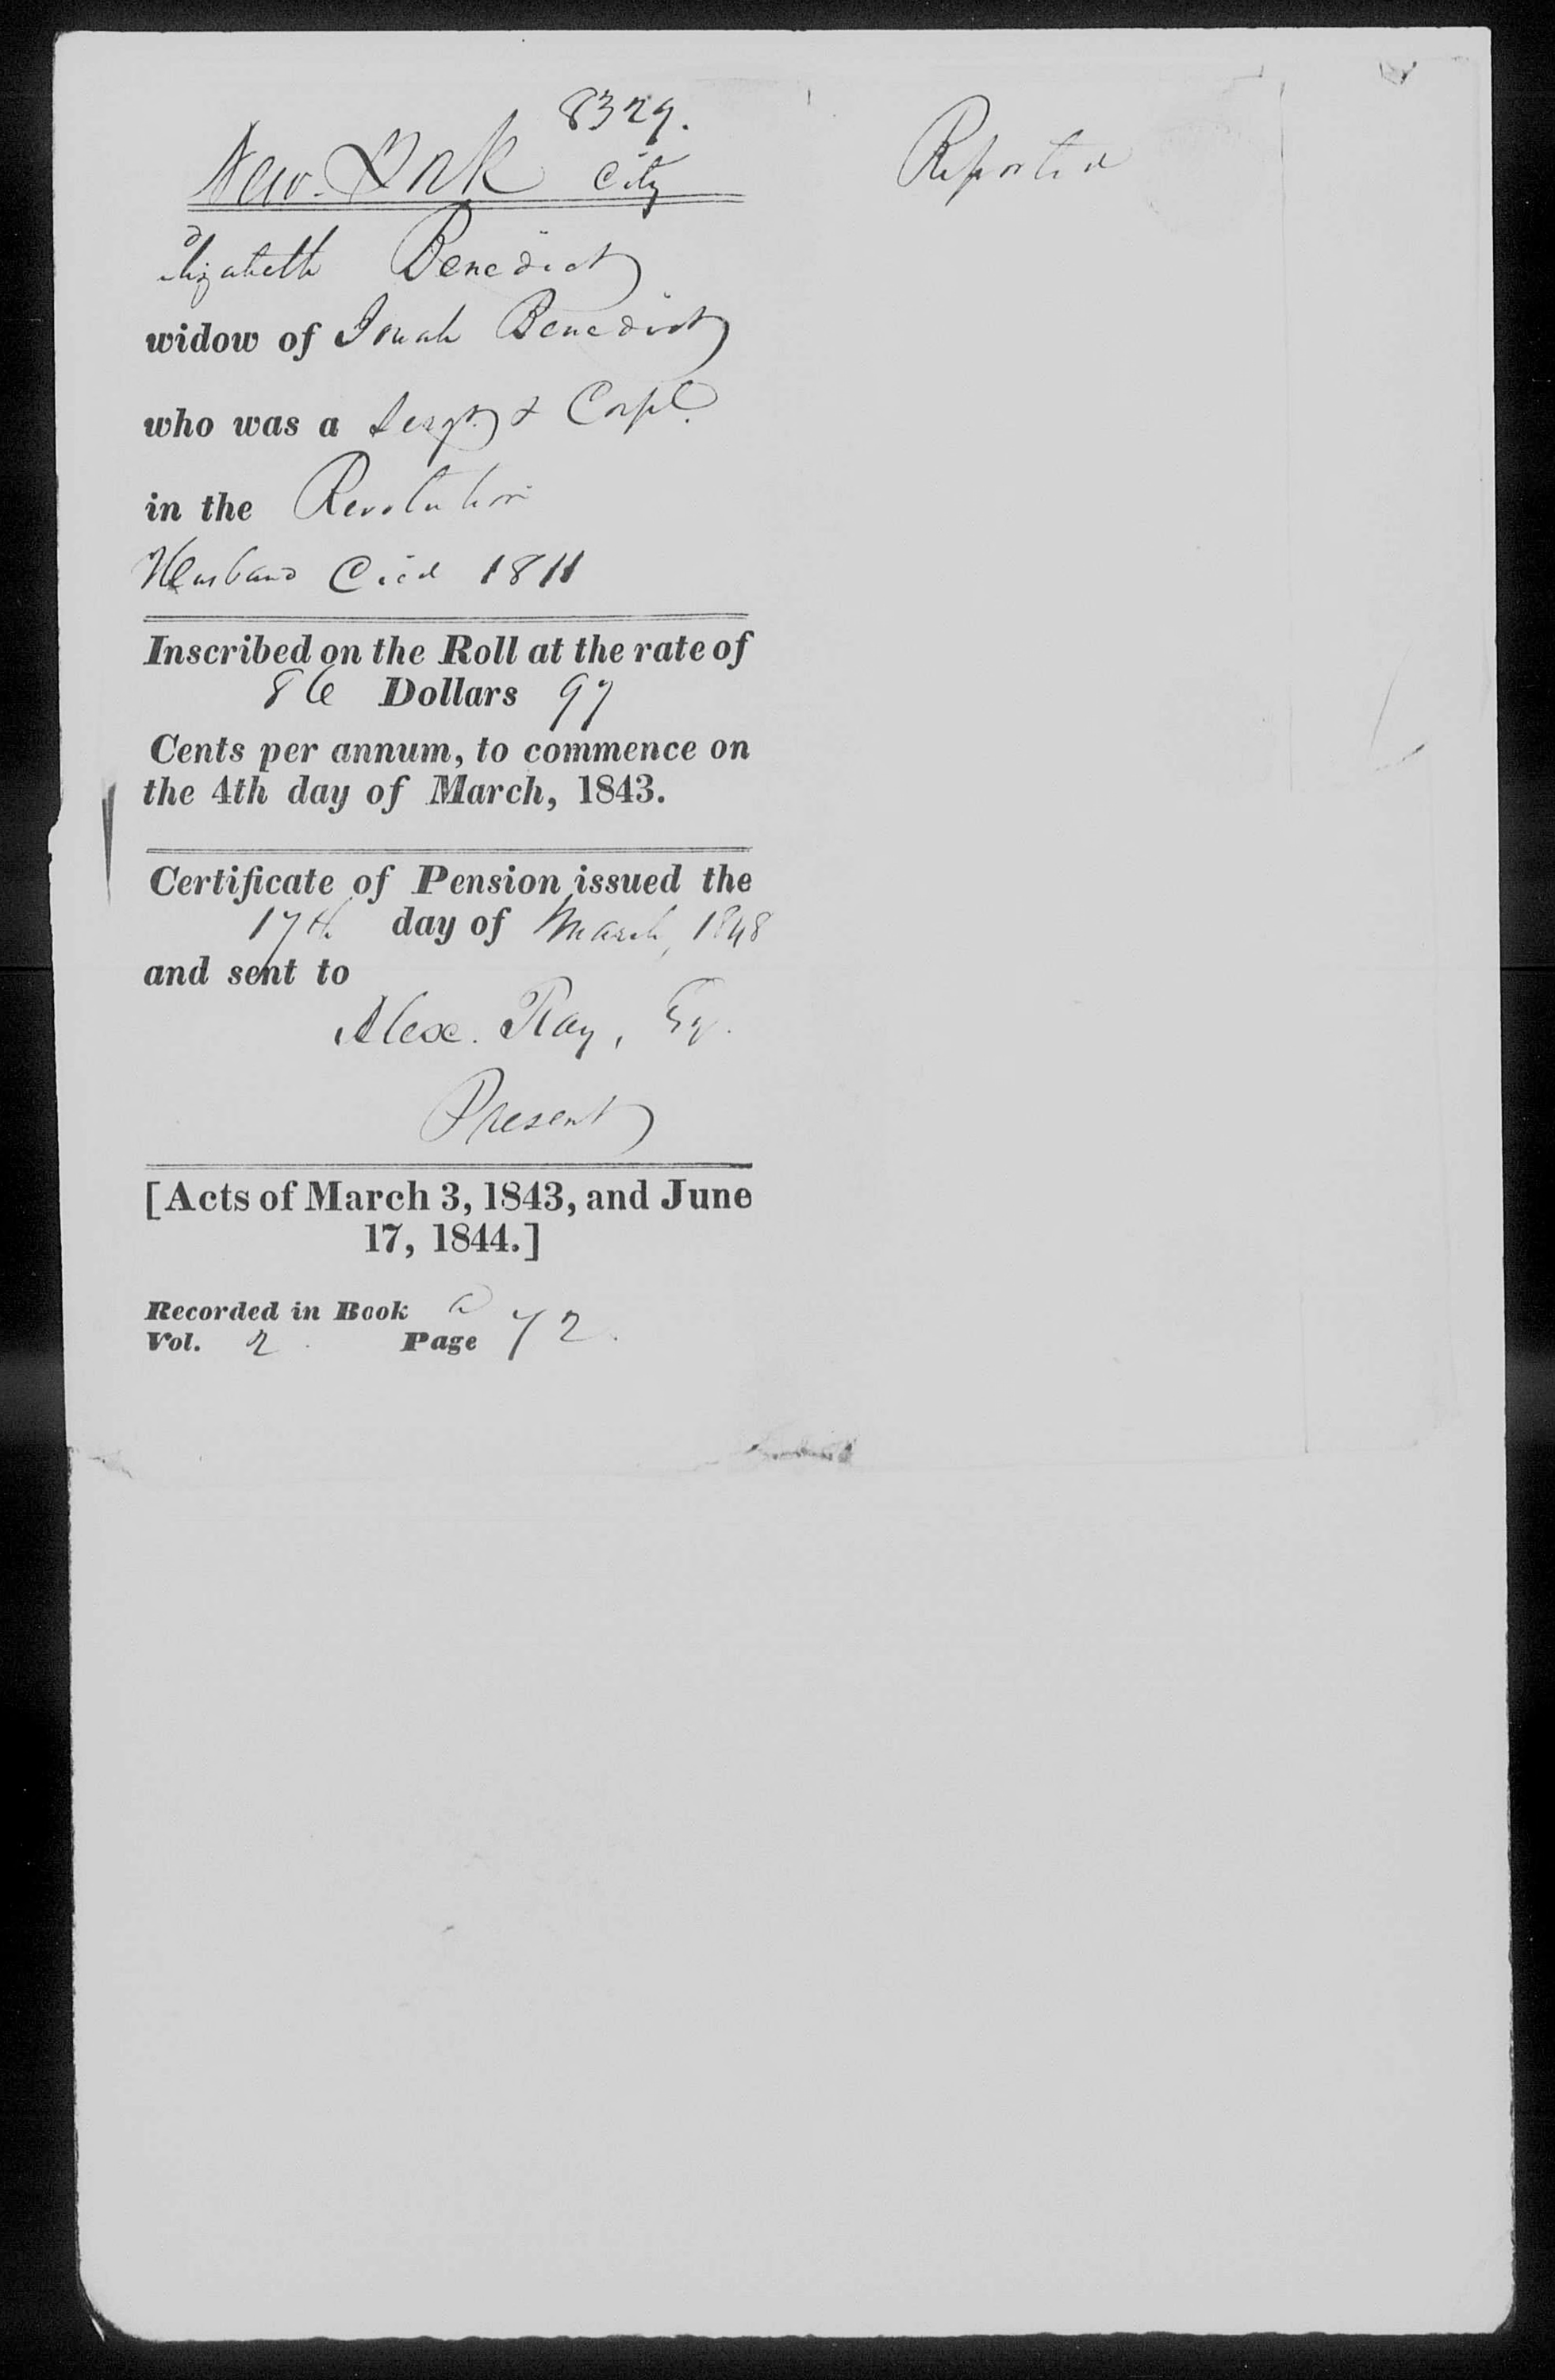8329
New York City                                      Reported
_____________________
Elizabeth Benedict
widow of Jonah Benedict
who was a Sergt & Corpl
in the Revolution
Husband died 1811
__________________________________
Inscribed on the Roll at the rate of
       86 Dollars 97
Cents per annum, to commence on
the 4th day of March, 1843.
______________________________________
Certificate of Pension issued the
17th day of March 1848
and sent to
Alex. Ray E.
          Present
_______________________________________
[Acts of March 3, 1843, and June
        17, 1844.]
Recorded in Book A
Vol. 2  Page 72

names: Elizabeth Benedict, Jonah Benedict, Alex Ray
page: 18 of 56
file: [ILLEGIBLE], Jonah Benedict, Conn.